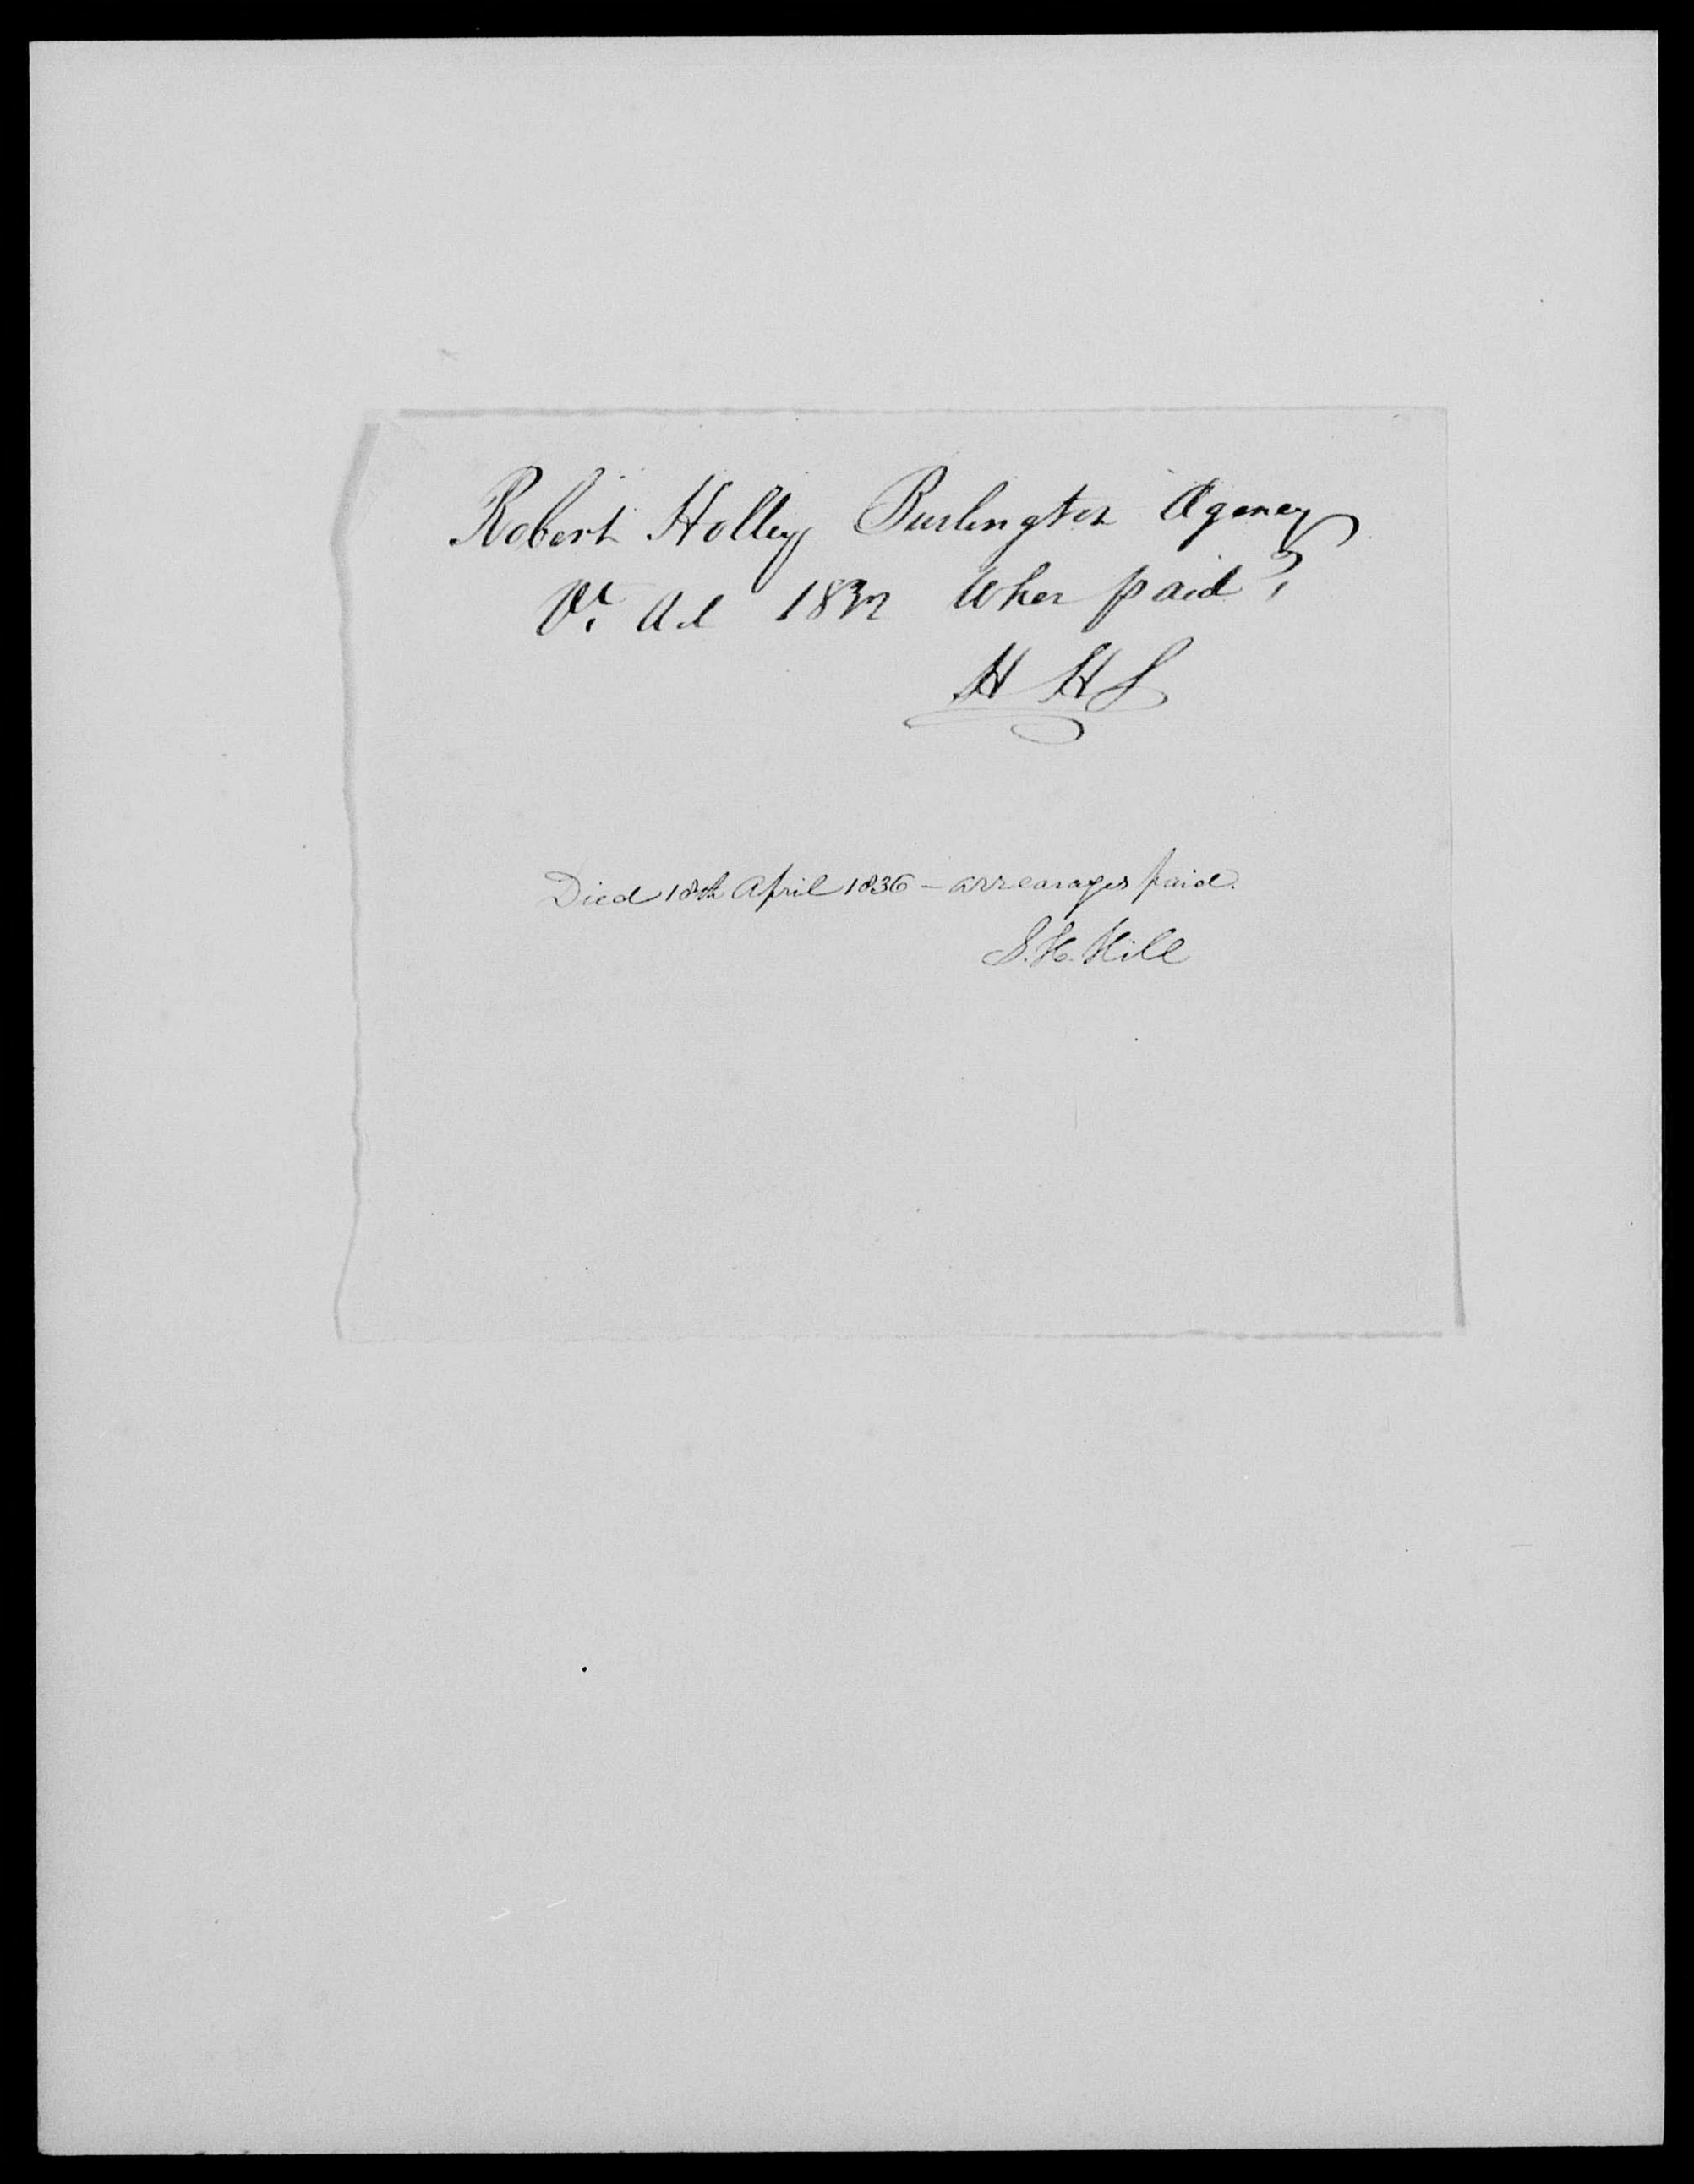Robert Holley Burlington Agency
Vt Act 1832 when paid?
H H S

Died 18th April 1836 - arrearages paid
S. S. Hill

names: S H Hill, Robert Holley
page: 20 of 62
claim: widow's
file: W. 21391, Robert Holley, Conn.